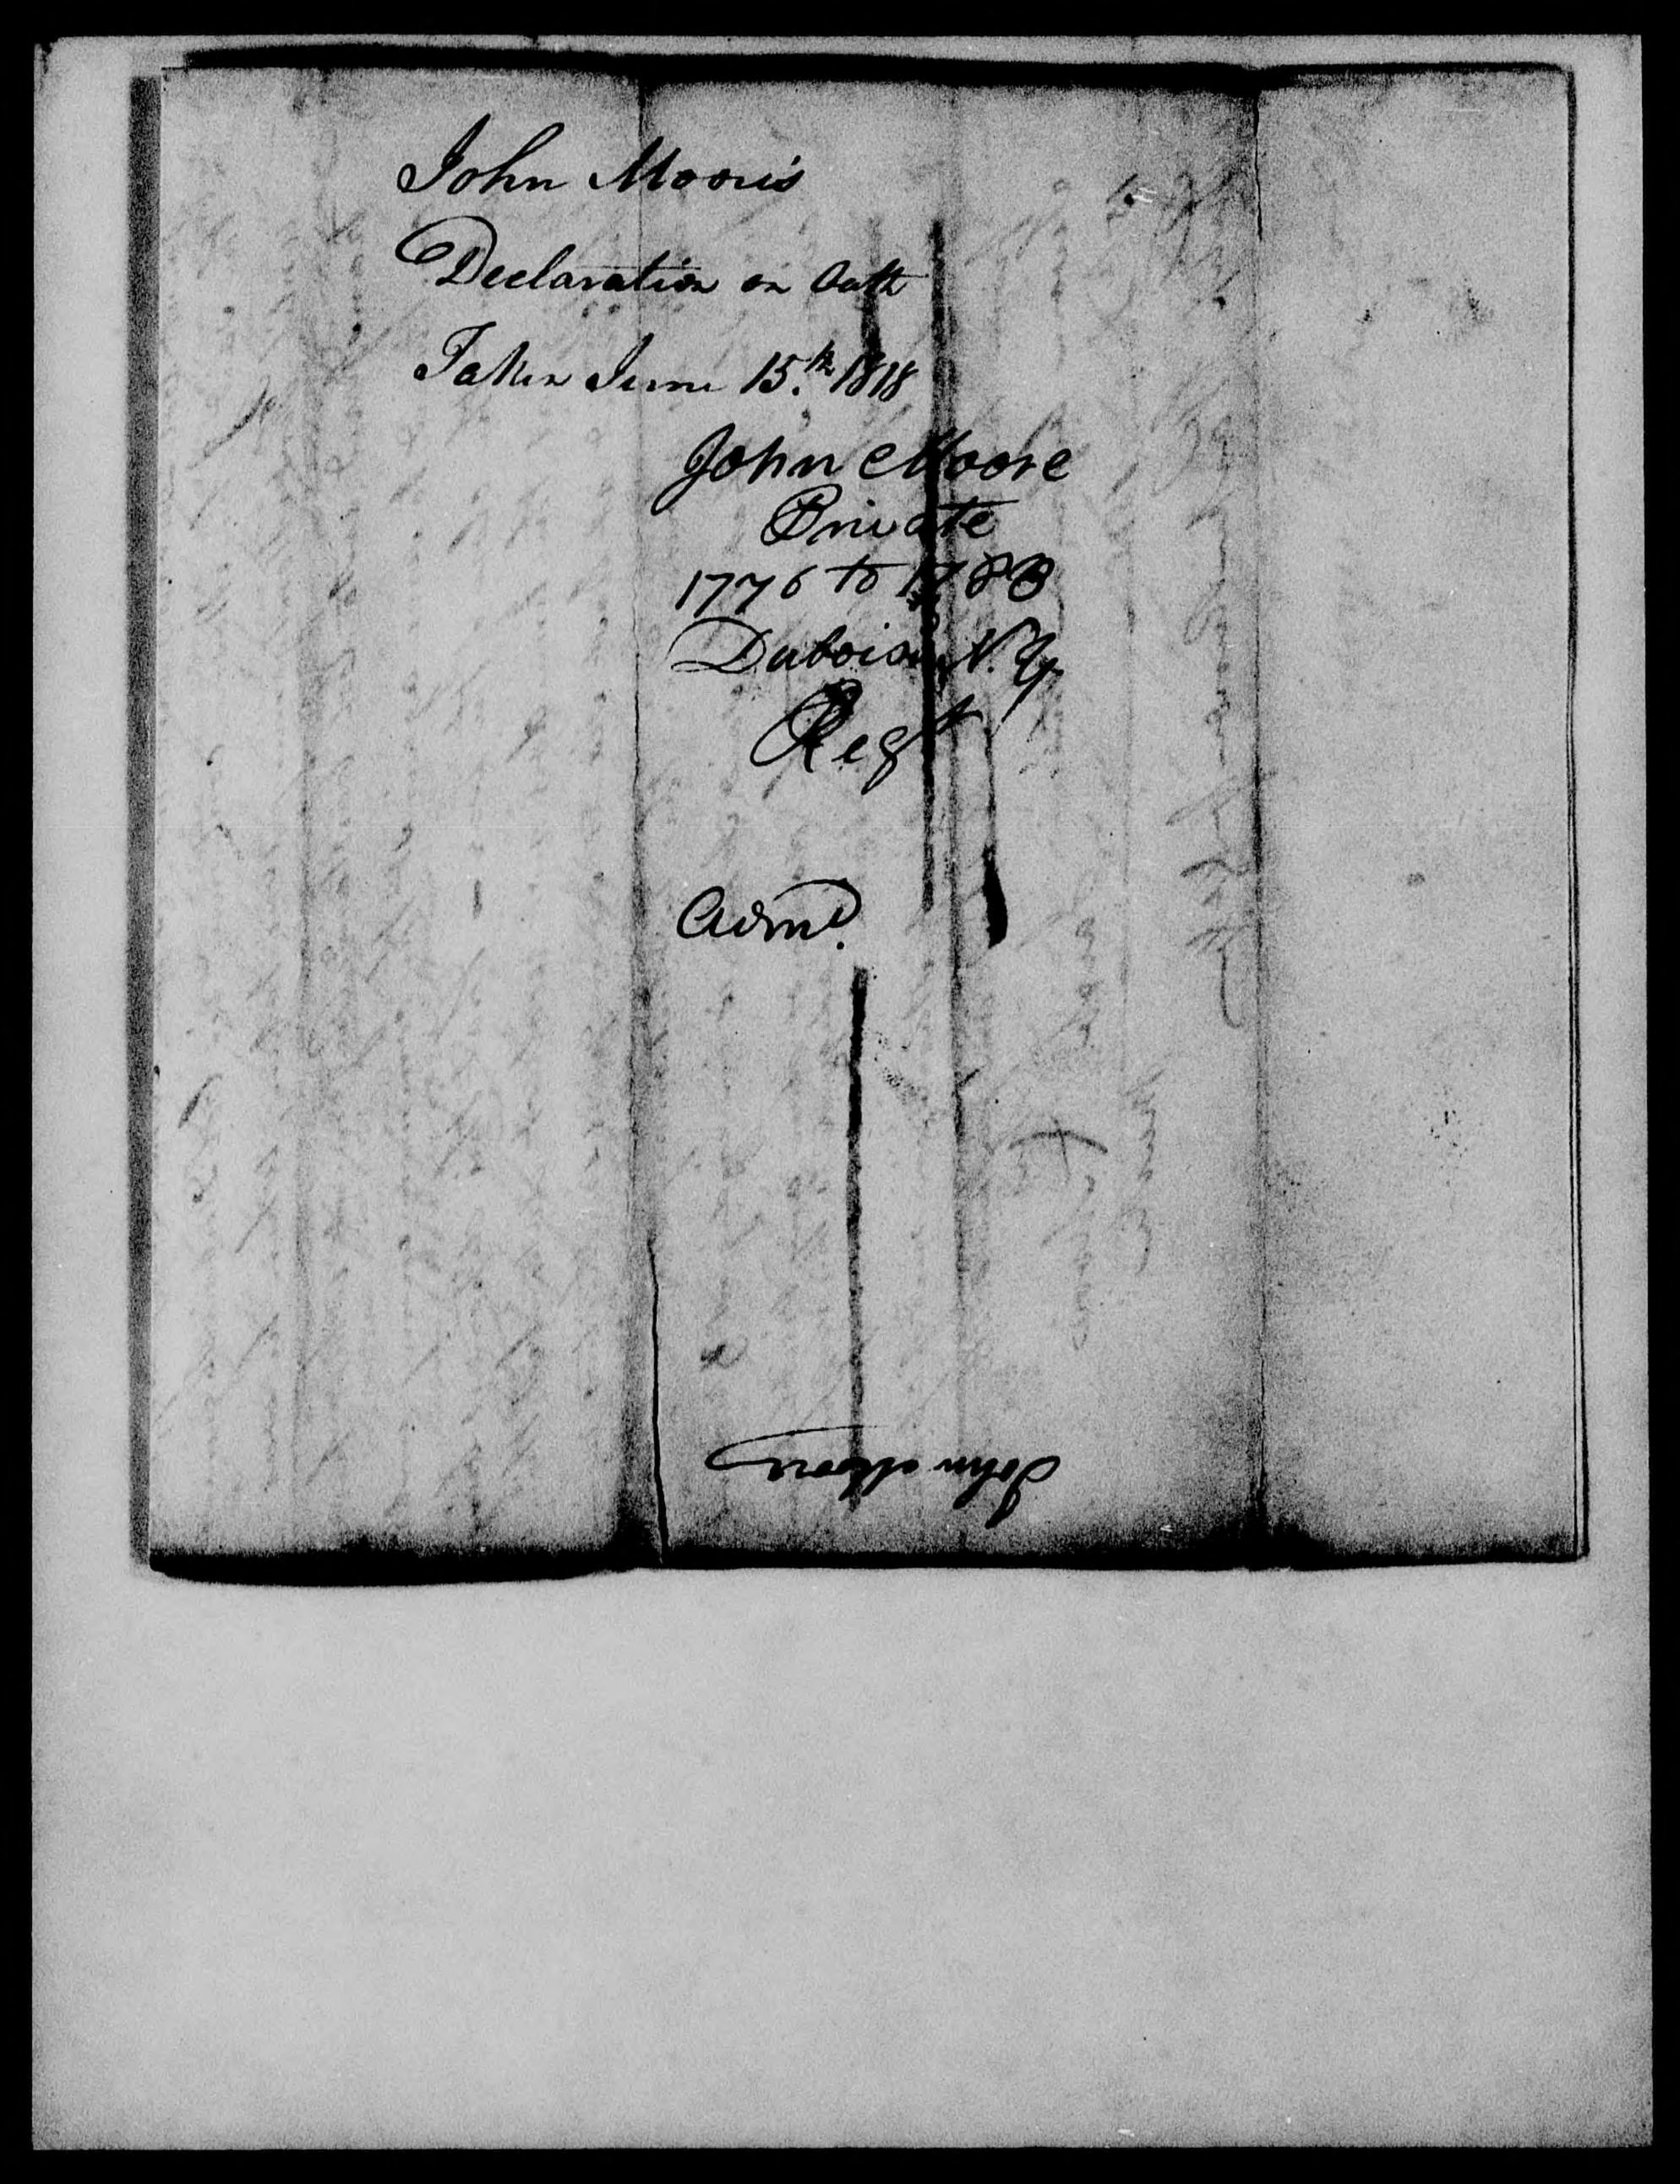John Moore’s Declaration on Oath Taken June 15th 1818 
John Moore 
Private 
1776 to 1783 
Dubois N.Y. Regt

Admd.

John Moore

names: John Moore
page: 6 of 15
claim: survivor's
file: S. 43029, for John Moore, New York